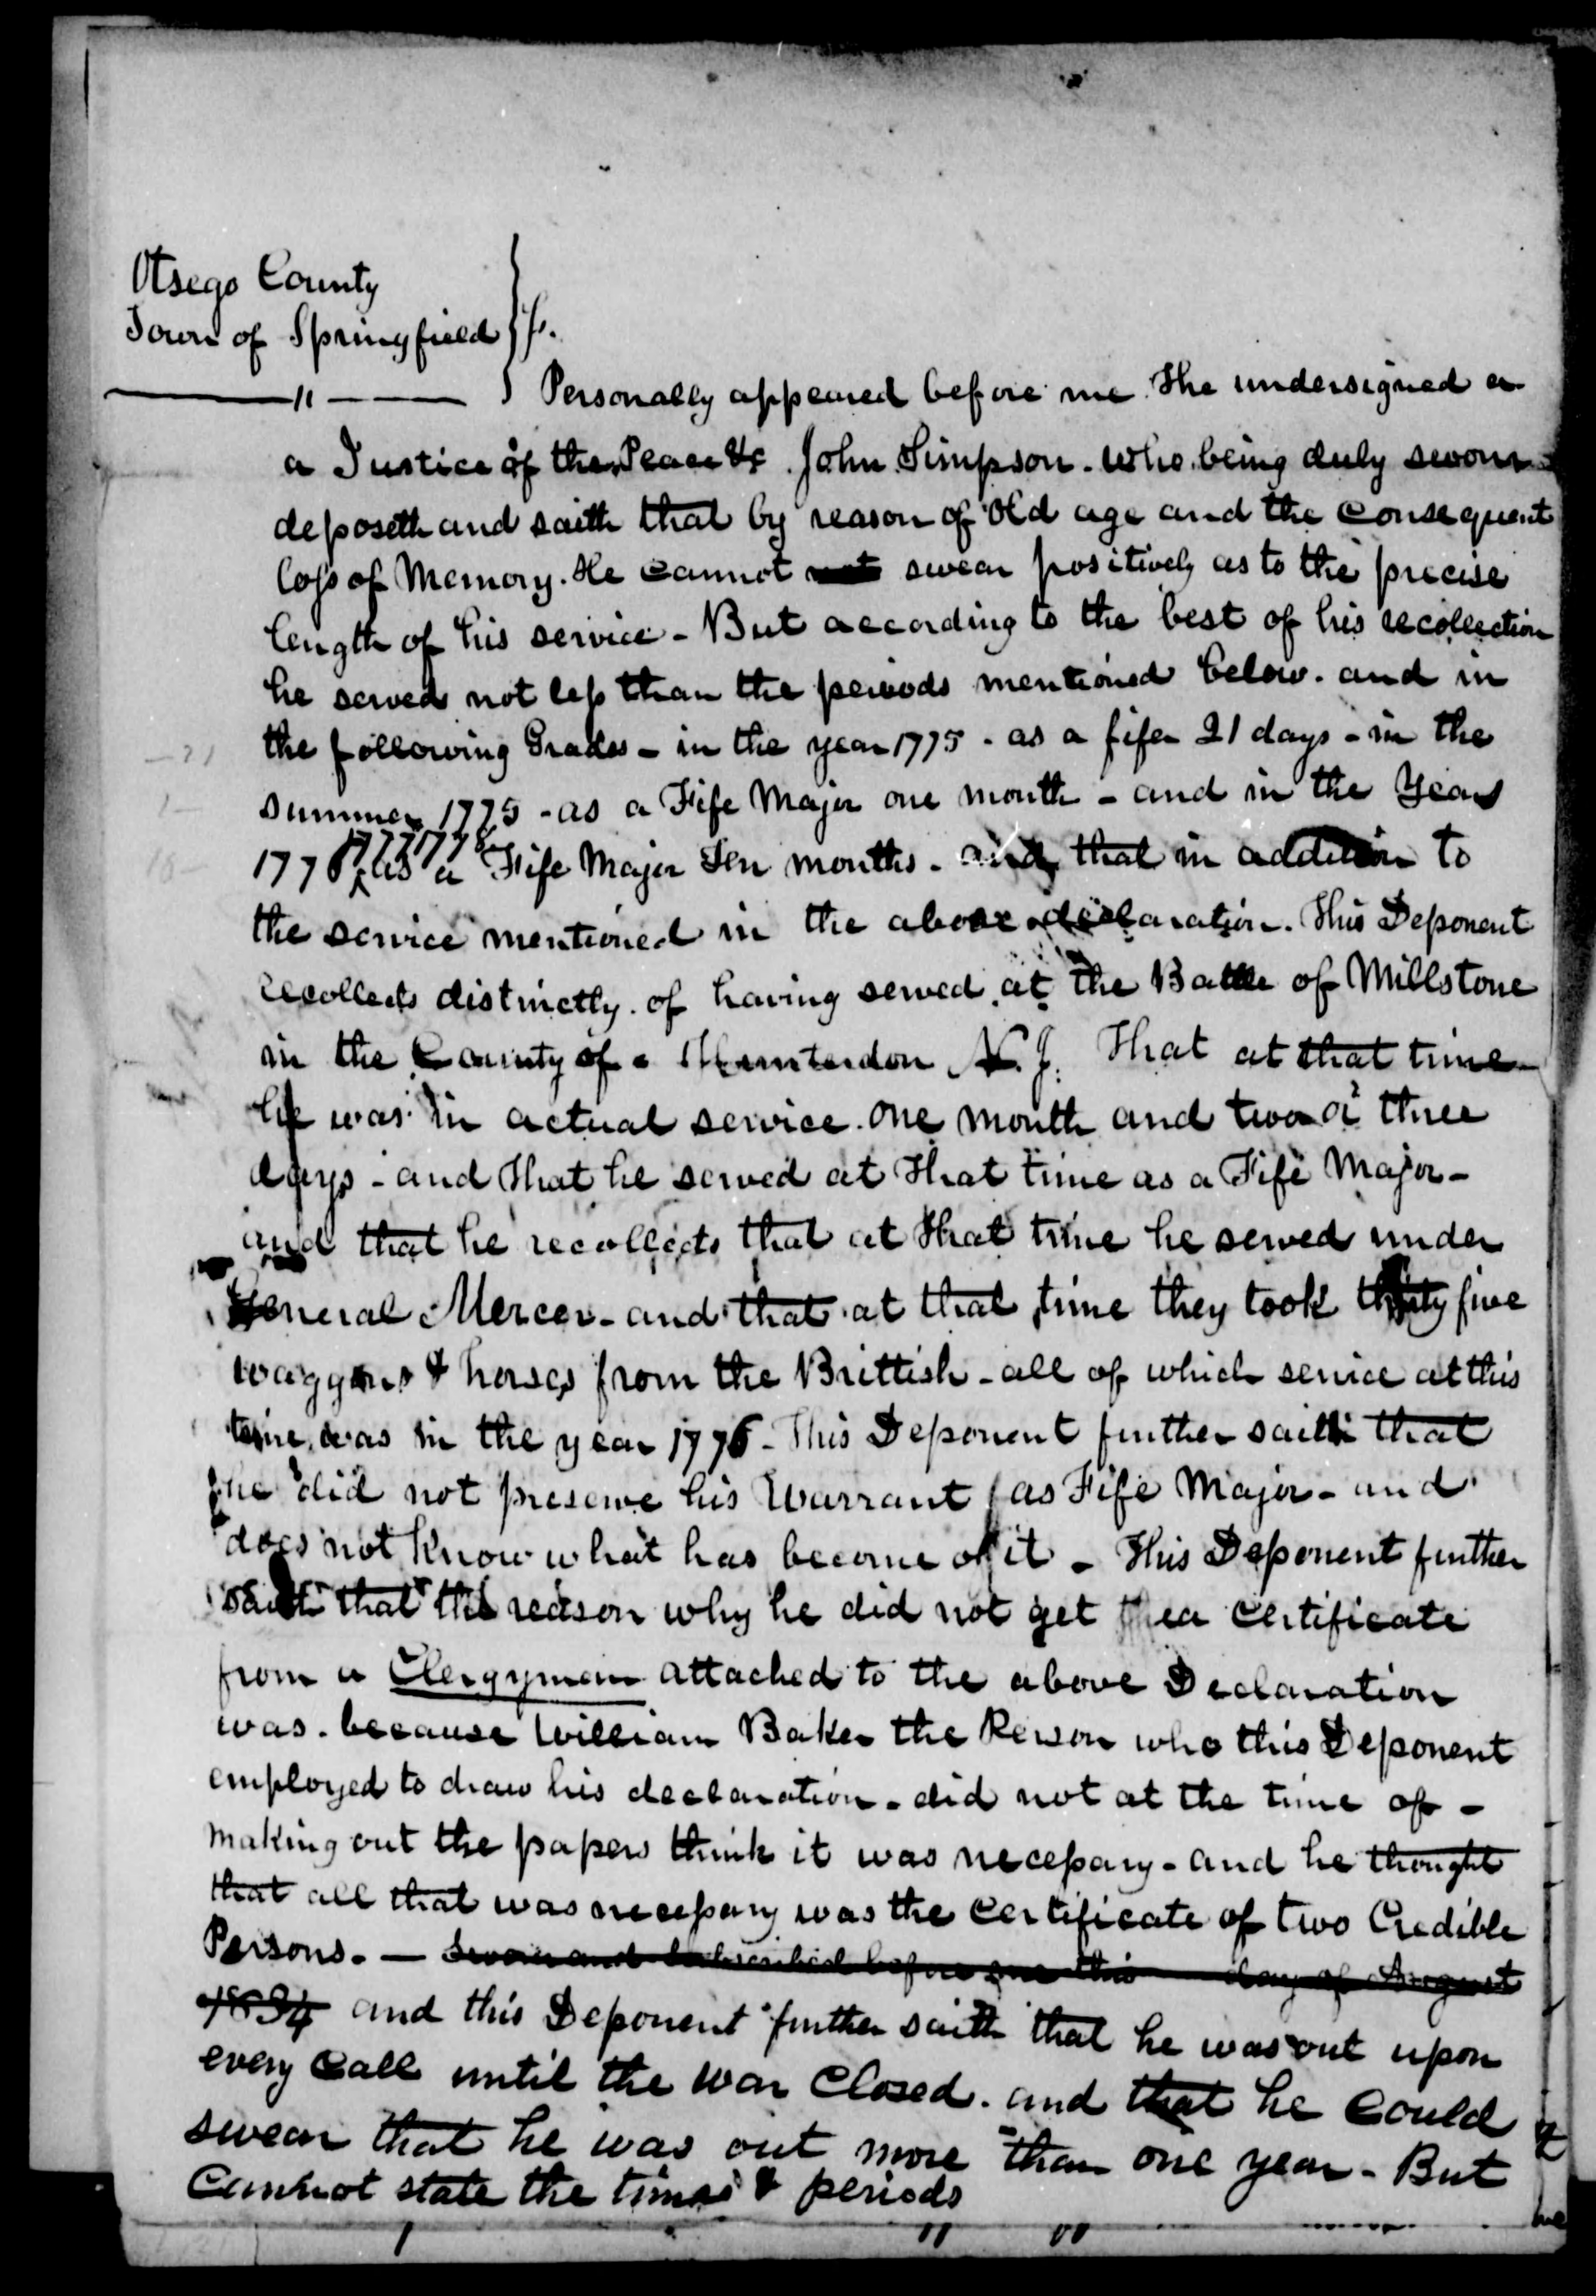Otsego County Town of Springfield ss.
Personally appeared before me the undersigned a Justice of the Peace &c, John Simpson, who being duly sworn deposeth and saith that by reason of old age and the consequent loss of Memory He cannot ["not" crossed out] swear positively as to the precise length of his service.  But according to the best of his recollection he served not less than the periods mentioned below, and in the following Grades - in the year 1775 - as a fifer 21 days - in the summer 1775 - as a Fife Major one month - and in the years 1776 1777 1778 as a Fife Major Ten months.  and that in addition to the service mentioned in the above declaration, This deponent recollects distinctly of having served at the Battle of Millstone in the County of Hunterdon N.J.  That at that time he was in actual service one month and two or three days - and That he served at That time as a Fife Major - and that he recollects that at That time he served under General Mercer and that at that time they took thirty five waggons & horses from the Brittish, all of which service at this time was in the year 1776.  This Deponent further saith that he did not preserve his Warrant as Fife Major, and does not know what has become of it.  This Deponent further saith that the reason why he did not get a Certificate from a Clergyman [underlined] attached to the above Declaration was because William Baker the Person who this Deponent employed to draw his declaration did not at the time of making out the papers think it was necessary, and he thought that all that was necessary was the Certificate of two Credible Persons.-- [crossed out: "Sworn and Subscribed before me this [blank] day of August 1834"] and this Deponent further saith that he was out upon every Call until the war closed and that he could swear that he was out more than one year.  But  cannot state the times & periods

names: John Simpson; [BLANK] Mercer; William Baker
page: 6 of 35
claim: rejected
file: R. 9601, for John Simson, New Jersey